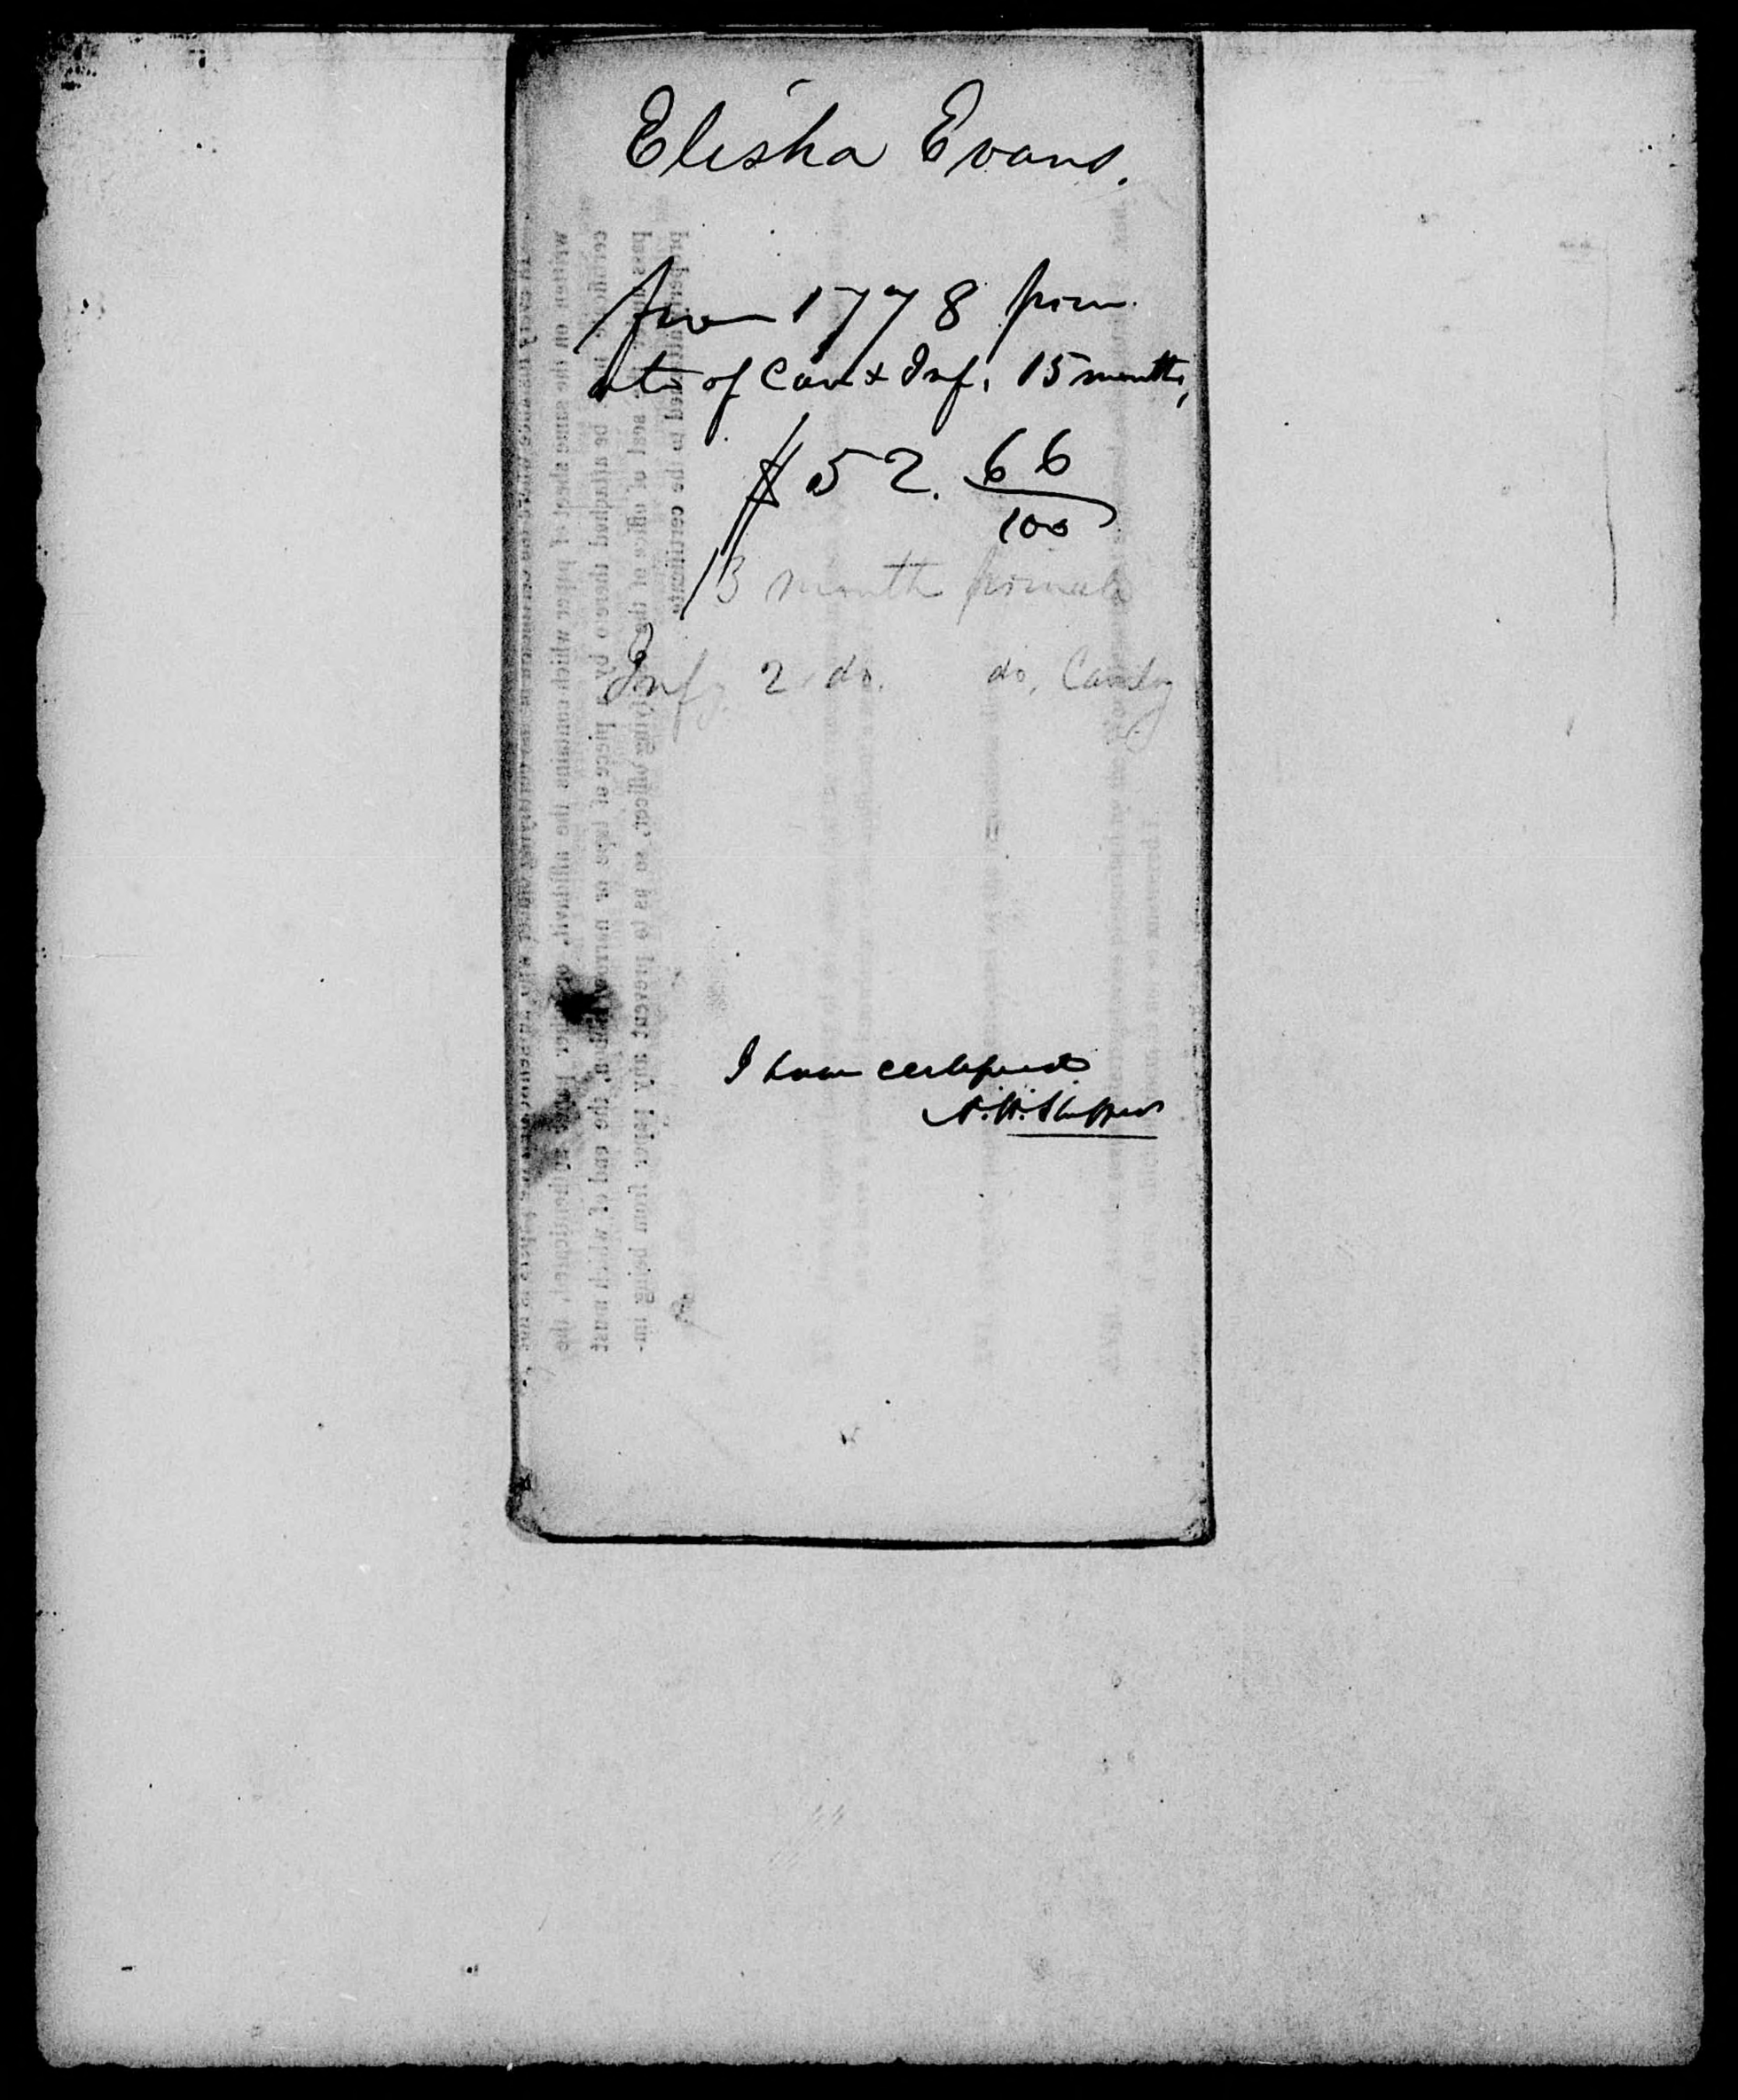Nov 1778 from [illegible] of cav. _ inf. 15 months $52.66/100
3 months private Infy 2 do do, Calvary
I have certified A. W. [illegible]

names: Elisha Evans, A H Shepperd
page: 22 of 29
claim: survivor's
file: S. 6830, Elisha Evans, N.C.